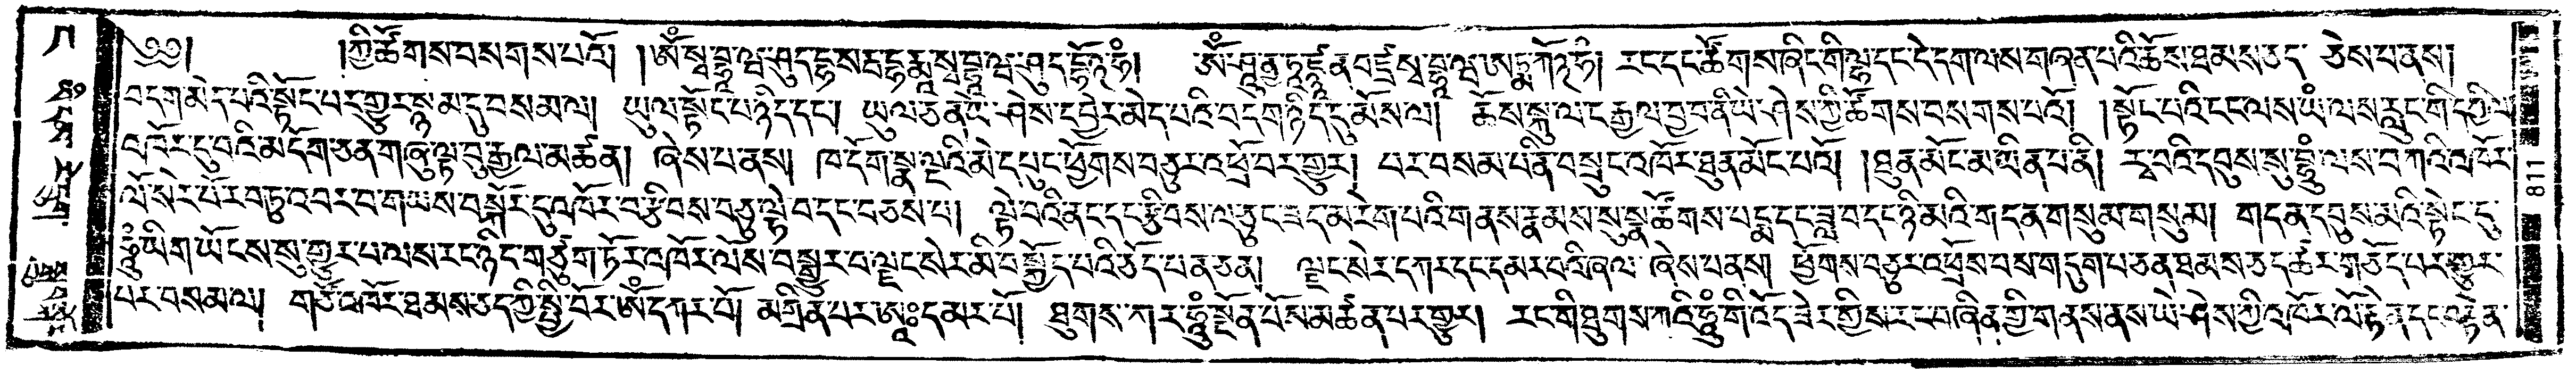༄༅། །ཀྱི་ཚོགས་བསགས་པའོ། །ཨོཾ་སྭ་བྷ་ཝ་བཤུང་དྷ་སརྦ་དྷརྨཱ་སྭ་བྷཱ་ཝ་ཤུདྡྷོ་ཉྷཾ། ཨོཾ་ཤཱུ་ནྱ་ཧཾ། ཨོཾ་ཤཱུ་ནྱ་ཏཱ་ཛྙཱ་ན་བཛྲ་སྭ་བྷཱ་ཝ་ཨཏྨ་ཀོཉ་ཧཾ། རང་དང་ཚོགས་ཞིང་གི་ལྷ་དང་དེ་དག་ལས་གཞན་པའི་ཆོས་ཐམས་ཅད་ཅེས་པ་ནས།
བདག་མེད་པའི་སྟོང་པར་གྱུར་སྙམ་དུ་བསམ་ལ། ཡུལ་སྟོང་བའི་ཉིད་དང་། ཡུལ་ཅན་?་དབྱེར་མེད་པའི་བདག་ཉིད་དུ་མོས་ལ། ཆོས་སྐུ་ལ་ང་རྒྱལ་བྱ་བ་ནི་ཡེ་ཤེས་ཀྱི་ཚོགས་བསགས་པའོ། །སྟོང་པའི་ངང་ལས་ཡཾ་ལས་ཀླུང་གི་དབྱེར་
འཁོར་དུ་བའི་མདོག་ཅན་གཞུ་ལྟ་བུ་རྒྱལ་མཚན། ཞེས་པ་ནས། ཁ་དོག་སྣ་ལྔའི་མ་དཔུང་ཕྱོགས་བཅུར་འཕྲོ་བར་གྱུར། པར་བསམ་པ་ནི་བསྲུང་འཁོར་ཐུན་མོང་པའོ། །ཐུན་མོང་མ་ཡིན་པ་ནི། རྭ་བའི་དབུས་སུ་བྷུཾ་ལས་བཀའི་འཁོར་
ལོ་སེར་པོ་རབ་ཏུ་འབར་བ་གཡས་བསྐོར་དུ་འཁོར་བརྩིབས་བཅུ་ལྟེ་བ་དང་བཅས་པ། ལྟེ་བའི་ནང་དང་རྩིབས་ལ་ཆུང་ཟད་མ་རེག་པའི་གནས་རྣམས་སུ་སྣ་ཚོགས་པདམ་དང་ཟླ་བ་དང་ཉི་མའི་གདན་གསུམ་གསུམ། གདན་དབུས་མའི་སྟེང་དུ་
ཧཱུཾ་ཡིག་ཡོངས་སུ་གྱུར་པ་ལས་རང་ཉིད་གཙུག་ཏོར་འཁོར་ལོས་བསྒྱུར་བ་ལྗང་སེར་མི་བསྐྱོད་པའི་ཅོད་པན་ཅན། ལྗང་སེར་དཀར་དང་དམར་པའི་ཞལ་ཞེས་པ་ནས། ཕྱོགས་བཅུར་འཕྲོས་པས་གདུག་པ་ཅན་ཐམས་ཅད་ཚར་གཅོད་པར་གྱུར་
པར་བསམ་ལ། གཙོ་འཁོར་ཐམས་ཅད་ཀྱི་སྤྱི་བོར་ཨོཾ་དཀར་པོ། མགྲིན་པར་ཨཱཿ དམར་པོ། ཐུགས་ཀར་ཧཱུཾ་སྔོན་པོས་མཚན་པར་གྱུར། རང་གི་ཐུགས་ཀའི་ཧཱུཾ་གི་འོད་ཟེར་གྱིས་རང་བཞིན་གྱི་གནས་ནས་ཡེ་ཤེས་ཀྱི་འཁོར་ལོ་རྟེན་དང་བརྟེན་